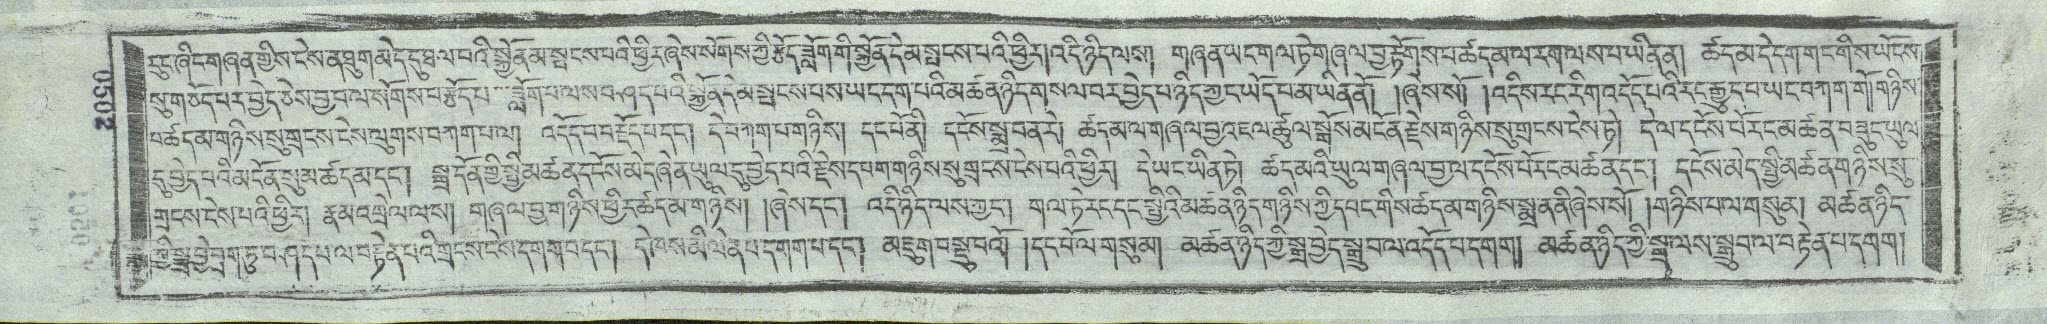རུང་ཞིང་གཞན་གྱིས་ངེས་ན་ཐུག་མེད་དུ་ཐལ་བའི་སྐྱོན་མ་སྤངས་པའི་ཕྱིར་ཞེས་སོགས་ཀྱི་རྩོད་ཟློག་གི་སྐྱོན་དེ་མ་སྤངས་པའི་ཕྱིར། འདི་ཉིད་ལས། གཞན་ཡང་གལ་ཏེ་གཞལ་བྱ་རྟོགས་པ་ཚད་མ་ལ་རག་ལས་པ་ཡིན་ན། ཚད་མ་དེ་དག་གང་གིས་ཡོངས་
སུ་གཅོད་པར་བྱེད་ཅེས་བྱ་བ་ལ་སོགས་པ་རྩོད་པ་ཟློག་པ་ལས་བཤད་པའི་སྐྱོན་དེ་མ་སྤངས་པས་ཡང་དག་པའི་མཚན་ཉིད་གསལ་བར་བྱེད་པ་ཉིད་ཀྱང་ཡོད་པ་མ་ཡིན་ནོ། །ཞེས་སོ། །འདིས་རང་རིག་འདོད་པའི་རང་རྒྱུད་པ་ཡང་བཀག་གོ། གཉིས་
པ་ཚད་མ་གཉིས་སུ་གྲངས་ངེས་ལུགས་བཀག་པ་ལ། འདོད་པ་བརྗོད་པ་དང་། དེ་བཀག་པ་གཉིས། དང་པོ་ནི། དངོས་སྨྲ་བ་ན་རེ། ཚད་མ་ལ་གཞལ་བྱ་འཇལ་ཚུལ་སྒོས་མངོན་རྗེས་གཉིས་སུ་གྲངས་ངེས་ཏེ། དེ་ལ་དངོས་པོ་རང་མཚན་བཟུང་ཡུལ་
དུ་བྱེད་པའི་མངོན་སུམ་ཚད་མ་དང་། སྒྲ་དོན་གྱི་སྤྱི་མཚན་དངོས་མེད་ཞེན་ཡུལ་དུ་བྱེད་པའི་རྗེས་དཔག་གཉིས་སུ་གྲངས་ངེས་པའི་ཕྱིར། དེ་ཡང་ཡིན་ཏེ། ཚད་མའི་ཡུལ་གཞལ་བྱ་ལ་དངོས་པོ་རང་མཚན་དང་། དངོས་མེད་སྤྱི་མཚན་གཉིས་སུ་
གྲངས་ངེས་པའི་ཕྱིར། རྣམ་འགྲེལ་ལས། གཞལ་བྱ་གཉིས་ཕྱིར་ཚད་མ་གཉིས། །ཞེས་དང་། འདི་ཉིད་ལས་ཀྱང་། གལ་ཏེ་རང་དང་སྤྱིའི་མཚན་ཉིད་གཉིས་ཀྱི་དབང་གིས་ཚད་མ་གཉིས་སྨྲ་ན་ན་ཞེས་སོ། །གཉིས་པ་ལ་གསུམ། མཚན་ཉིད་
ཀྱི་སྒྲ་བྱེ་བྲག་ཏུ་བཤད་པ་ལ་བརྟེན་པའི་གྲངས་ངེས་དགག་པ་དང་། དེ་ཁས་མི་ལེན་པ་དགག་པ་དང་། མཇུག་བསྡུ་བའོ། །དང་པོ་ལ་གསུམ། མཚན་ཉིད་ཀྱི་སྒྲ་བྱེད་སྒྲུབ་ལ་འདོད་པ་དགག། མཚན་ཉིད་ཀྱི་སྒྲ་ལས་སྒྲུབ་ལ་བརྟེན་པ་དགག།